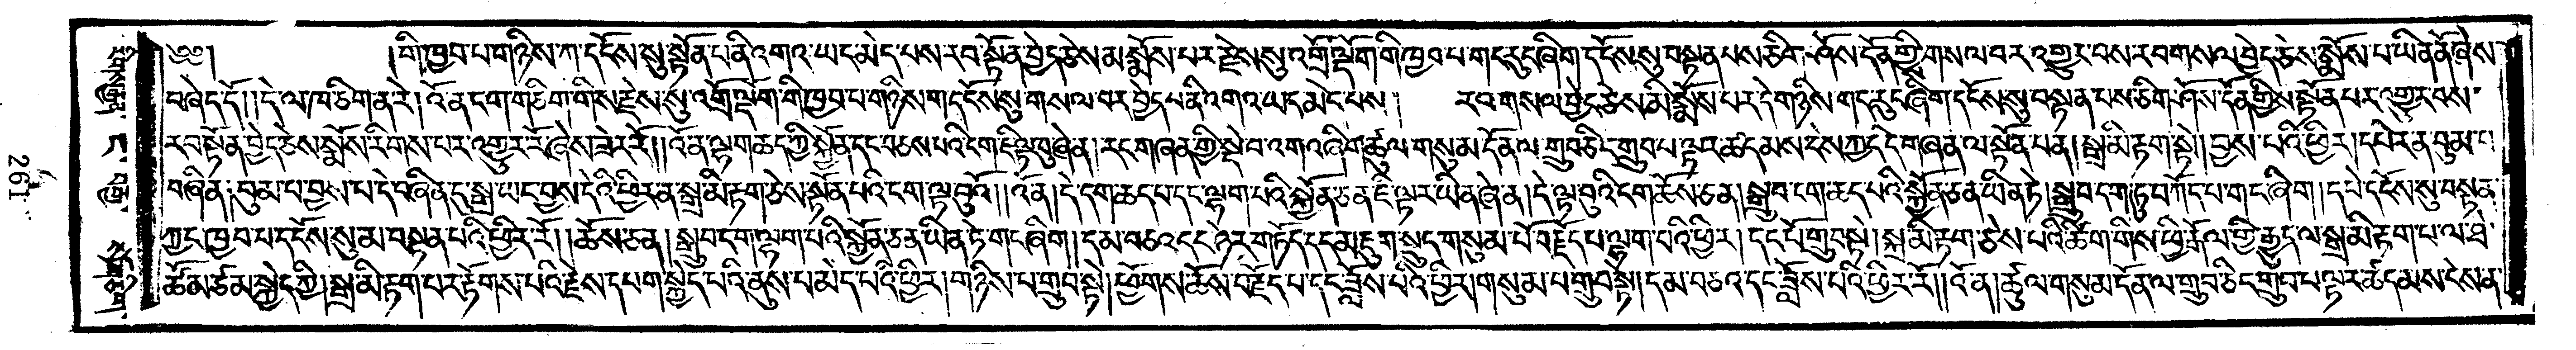༄༅། །གི་ཁྱབ་པ་གཉིས་ཀ་དངོས་སུ་སྟོན་པ་ནི་འགའ་ཡང་མེད་པས་རབ་སྟོན་བྱེད་ཅེས་མ་སྨོས་པར་རྗེས་སུ་འགྲོ་ལྡོག་གི་ཁྱབ་པ་གང་རུང་ཞིག་དངོས་སུ་བསྟན་པས་ཅིག་ཤོས་དོན་གྱིས་གསལ་བར་འགྱུར་བས་རབ་གསལ་བྱེད་ཅེས་སྨོས་པ་ཡིན་ནོ་ཞེས་
བཞེད་དོ། །དེ་ལ་ཁ་ཅིག་ན་རེ། འོ་ན་ངག་གཅིག་གིས་རྗེས་སུ་འགྲོ་ལྡོག་གི་ཁྱབ་པ་གཉིས་ཀ་དངོས་སུ་གསལ་བར་བྱེད་པ་ནི་འགའ་ཡང་མེད་པས། རབ་གསལ་བྱེད་ཅེས་མི་སྨོས་པར་དེ་གཉིས་གང་རུང་ཞིག་དངོས་སུ་བསྟན་པས་ཅིག་ཤོས་དོན་གྱིས་སྟོན་པར་འགྱུར་བས་
རབ་སྟོན་བྱེད་ཅེས་སྨོས་རིགས་པར་འགྱུར་རོ་ཞེས་ཟེར་རོ། །འོ་ན་ལྷག་ཆད་ཀྱི་སྐྱོན་དང་བཅས་པའི་ངག་ཇི་ལྟ་བུ་ཞེ་ན། རང་གཞན་གྱི་སྡེ་པ་འགའ་ཞིག་ཚུལ་གསུམ་དོན་ལ་གྲུབ་ཅིང་གྲུབ་པ་ལྟར་ཚད་མས་ངེས་ཀྱང་དེ་གཞན་ལ་སྟོན་པ་ན། སྒྲ་མི་རྟག་སྟེ། བྱས་པའི་ཕྱིར། དཔེར་ན་བུམ་པ་
བཞིན། བུམ་པ་བྱས་པ་དེ་བཞིན་དུ་སྒྲ་ཡང་བྱས་དེའི་ཕྱིར་ན་སྒྲ་མི་རྟག་ཅེས་སྟོན་པའི་ངག་ལྟ་བུའོ། །འོ་ན། དེ་དག་ཆད་པ་དང་ལྷག་པའི་སྐྱོན་ཅན་ཇི་ལྟར་ཡིན་ཞེ་ན། དེ་ལྟ་བུའི་ངག་ཆོས་ཅན། སྒྲུབ་ངག་ཆད་པའི་སྐྱོན་ཅན་ཡིན་ཏེ། སྒྲུབ་ངག་ཏུ་བཀོད་པ་གང་ཞིག །དཔེ་དངོས་སུ་བསྟན་
ཀྱང་ཁྱབ་པ་དངོས་སུ་མ་བསྟན་པའི་ཕྱིར་རོ། །ཆོས་ཅན། སྒྲུབ་ངག་ལྷག་པའི་སྐྱོན་ཅན་ཡིན་ཏེ་གང་ཞིག །དམ་བཅའ་དང་ཉེར་གཏོད་དང་མཇུག་སྡུད་གསུམ་པོ་བརྗོད་པ་ལྷག་པའི་ཕྱིར། དང་པོ་གྲུབ་སྟེ། སྒྲ་མི་རྟག་ཅེས་པའི་ཚིག་གིས་ཕྱི་རྒོལ་གྱི་རྒྱུད་ལ་སྒྲ་མི་རྟག་པ་ལ་ཐེ་
ཚོམ་ཙམ་སྐྱེད་ཀྱི། སྒྲ་མི་རྟག་པར་རྟོགས་པའི་རྗེས་དཔག་སྐྱེད་པའི་ནུས་པ་མེད་པའི་ཕྱིར། གཉིས་པ་གྲུབ་སྟེ། ཕྱོགས་ཆོས་བརྗོད་པ་དང་ཟློས་པའི་ཕྱིར། གསུམ་པ་གྲུབ་སྟེ། དམ་བཅའ་དང་ཟློས་པའི་ཕྱིར་རོ། །འོ་ན། ཚུལ་གསུམ་དོན་ལ་གྲུབ་ཅིང་གྲུབ་པ་ལྟར་ཚད་མས་ངེས་ན་